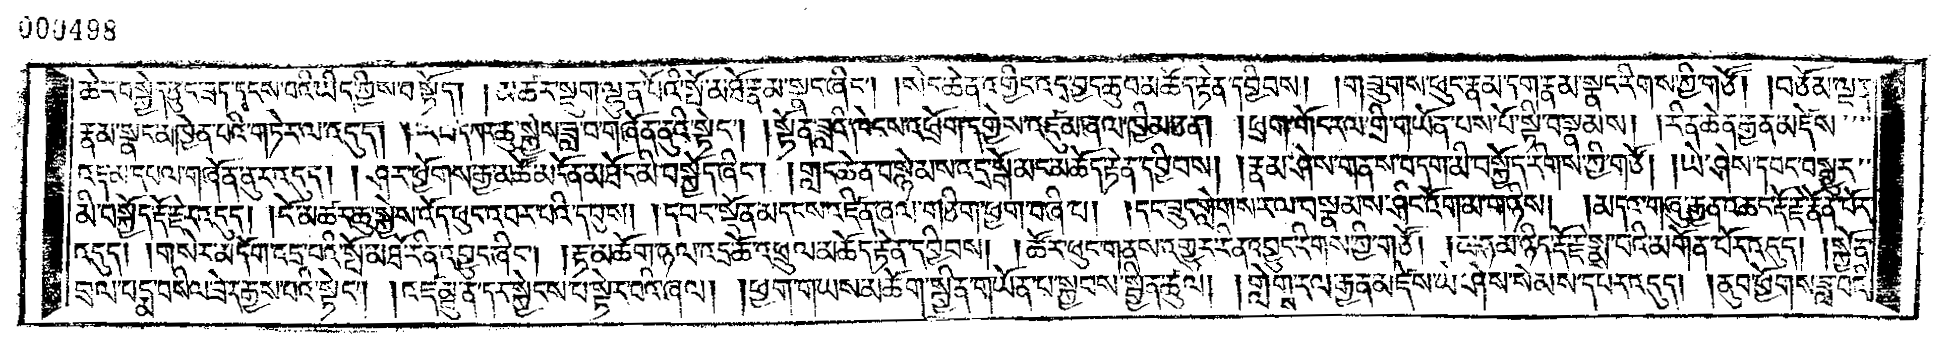ཆེར་བསྐྱེད་ཅུང་ཟད་དྭངས་པའི་ཡིད་ཀྱིས་བསྟོད། །མཚར་སྡུག་ལྷུན་པོའི་སྤོ་མཐོ་རྣམ་སྣང་ཞིང་། །སེང་ཆེན་འགྱིང་འདྲ་བྱང་ཆུབ་མཆོད་རྟེན་དབྱིབས། །གཟུགས་ཕུང་རྣམ་དག་རྣམ་སྣང་རིགས་ཀྱི་གཙོ། །བཅོམ་ལྡན་
རྣམ་སྣང་མཁྱེན་པའི་གཏེར་ལ་འདུད། །རབ་དཀར་ཆུ་སྐྱེས་ཟླ་བ་གཞོན་ནུའི་སྟེང་། །སྟོན་ཟླའི་ཁེངས་འཕྲོག་དགྱེས་འཛུམ་ཞལ་ཁྱིམ་ཅན། །ཕྲག་གོང་རལ་གྲི་གཡོན་པས་པོ་སྟི་བསྣམས། །རིན་ཆེན་རྒྱན་མཛེས་
འཇམ་དཔལ་གཞོན་ནུར་འདུད། །ཤར་ཕྱོགས་རྒྱ་མཚོ་མངོན་མཐོང་མི་བསྐྱོད་ཞིང་། །གླང་ཆེན་བསྙེམས་འདྲ་སྒོ་མང་མཆོད་རྟེན་དབྱིབས། །རྣམ་ཤེས་གནས་བདག་མི་བསྐྱོད་རིགས་ཀྱི་གཙོ། །ཡེ་ཤེས་དབང་བསྒྱུར་
མི་བསྐྱོད་རྡོ་རྗེར་འདུད། །ངོ་མཚར་ཆུ་སྐྱེས་འོད་ཕུང་འབར་པའི་དབུས། །དབང་སྔོན་མདངས་འཛིན་ཞལ་གཅིག་ཕྱག་བཞི་པ། །དང་ཟུང་གླེགས་རལ་བསྣམས་ཤིང་འོག་མ་གཉིས། །མདའ་གཞུ་རྒྱན་འཆང་རྡོ་རྗེ་རྣོན་པོར་
འདུད། །གསེར་མདོག་འདྲ་བའི་སྤོ་མཐོ་རིན་འབྱུང་ཞིང་། །རྟ་མཆོག་ཉལ་འདྲ་ཆོ་འཕྲུལ་མཆོད་རྟེན་དབྱིབས། །ཚོར་ཕུང་གནས་འགྱུར་རིན་འབྱུང་རིགས་ཀྱི་གཙོ། །མཉམ་ཉིད་རྡོ་རྗེ་སྨྲ་བའི་མགོན་པོར་འདུད། །སྐྱོན་
བྲལ་པདམ་བསིལ་ཟེར་རྒྱས་པའི་སྟེང་། །འཛམ་བུ་ན་དར་སྐྱེངས་པ་སྟེར་བའི་ཞལ། །ཕྱག་གཡས་མཆོག་སྦྱིན་གཡོན་པ་སྐྱབས་སྦྱིན་ཚུལ། །གླེགས་རལ་རྒྱན་མཛེས་ཡེ་ཤེས་སེམས་དཔར་འདུད། །ནུབ་ཕྱོགས་ཟླ་བའི་